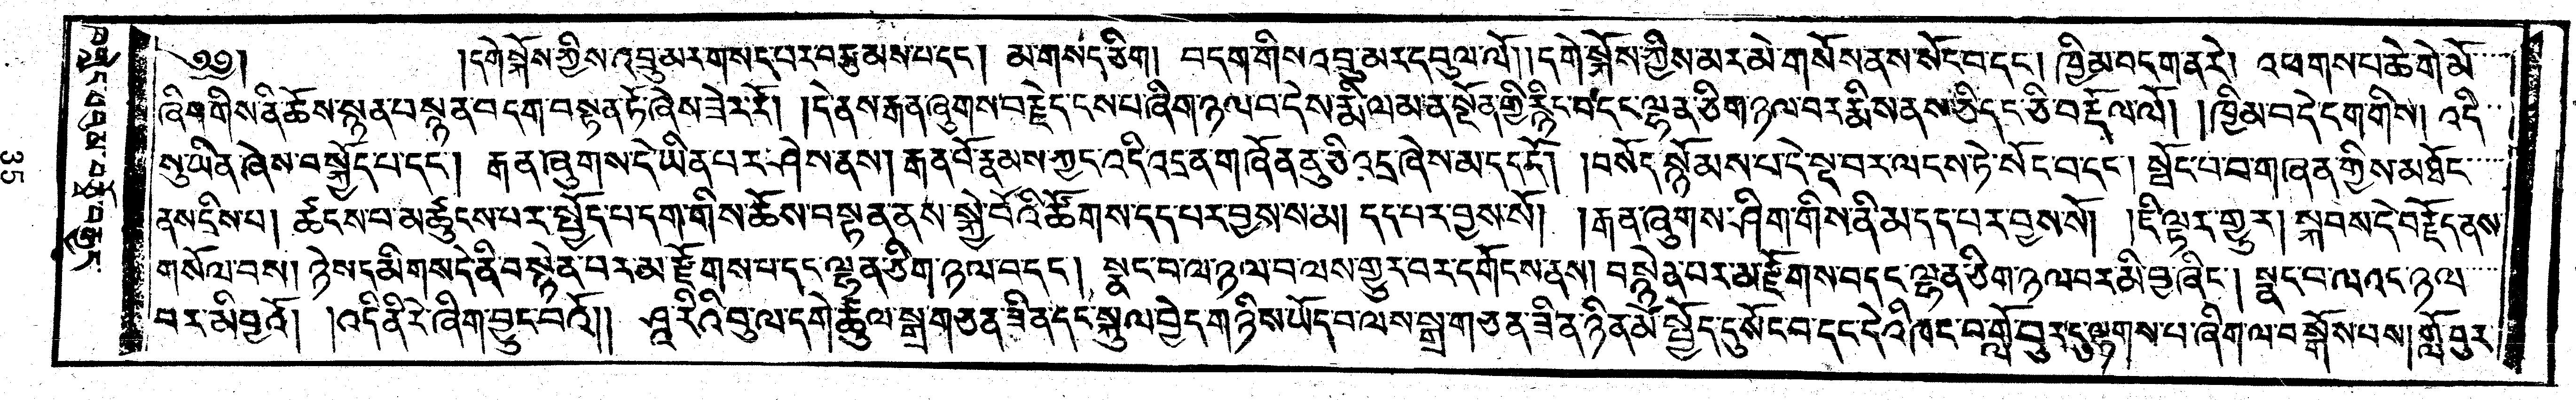༄༅། །དགེ་སྐོས་ཀྱིས་འབྲུ་མར་གསད་པར་བརྩམས་པ་དང་། མ་གསད་ཅིག། བདག་གིས་འབྲུ་མར་དབུལ་ལོ། །དགེ་སྐོས་ཀྱིས་མར་མེ་གསོས་ནས་སོང་བ་དང་། ཁྱིམ་བདག་ན་རེ། འཕགས་པ་ཆེ་གེ་མོ་
ཞིག་གིས་ནི་ཆོས་སྙན་བསྙན་བདག་བསྟན་ཏོ་ཞེས་ཟེར་རོ། །དེ་ནས་རྒན་ཞུགས་བརྗེད་ངས་པ་ཞིག་ཉལ་བ་དེས་རྨི་ལམ་ན་སྔོན་གྱི་རྙིང་བ་དང་ལྷན་ཅིག་ཉལ་བར་རྨིས་ནས་ཅི་དང་ཅི་བརྡོལ་ལོ། །ཁྱིམ་བདེ་དག་གིས། འདི་
སུ་ཡིན་ཞེས་བསྐྱོད་པ་དང་། རྒན་ཞུགས་དེ་ཡིན་པར་ཤེས་ནས། རྒན་པོ་རྣམས་ཀྱང་འདི་འདྲ་ན་གཞོན་ནུ་ཅི་འདྲ་ཞེས་མ་དད་དོ། །བསོད་སྙོམས་པ་དེ་སྔ་བར་ལངས་ཏེ་སོང་བ་དང་། སྦོང་པ་བ་གཞན་གྱིས་མཐོང་
ནས་དྲིས་པ། ཚངས་པ་མཚུངས་པར་སྤྱོད་པ་དག་གིས་ཆོས་བསྟན་ནས་སྐྱེ་བོའི་ཚོགས་དད་པར་བྱས་ས་མ། དད་པར་བྱས་སོ། །རྒན་ཞུགས་ཤིག་གིས་ནི་མ་དད་པར་བྱས་སོ། །ཇི་ལྟར་གྱུར། སྐབས་དེ་བརྗོད་ནས་
གསོལ་བས། ཉེས་དམིགས་དེ་ནི་བསྙེན་པར་མ་རྫོགས་པ་དང་ལྷན་ཅིག་ཉལ་བ་དང་། སྣང་བ་ལ་ཉལ་བ་ལས་གྱུར་བར་དགོངས་ནས། བསྙེན་པར་མ་རྫོགས་བ་དང་ལྷན་ཅིག་ཉལ་བར་མི་བྱ་ཞིང་། སྣང་བ་ལའང་ཉལ་
བར་མི་བྱའོ། །འདི་ནི་རེ་ཞིག་བྱུང་བའོ།། ཤཱ་རིའི་བུ་ལ་དགེ་ཚུལ་སྒྲ་གཅན་ཟིན་དང་སྐུལ་བྱེད་གཉིས་ཡོད་བ་ལས་སྒྲ་གཅན་ཟིན་ཉིན་མོ་སྤྱོད་དུ་སོང་བ་དང་དེའི་ཁང་བ་གློ་བུར་དུ་ལྷགས་པ་ཞིག་ལ་བསྒོས་པས། གློ་བུར་